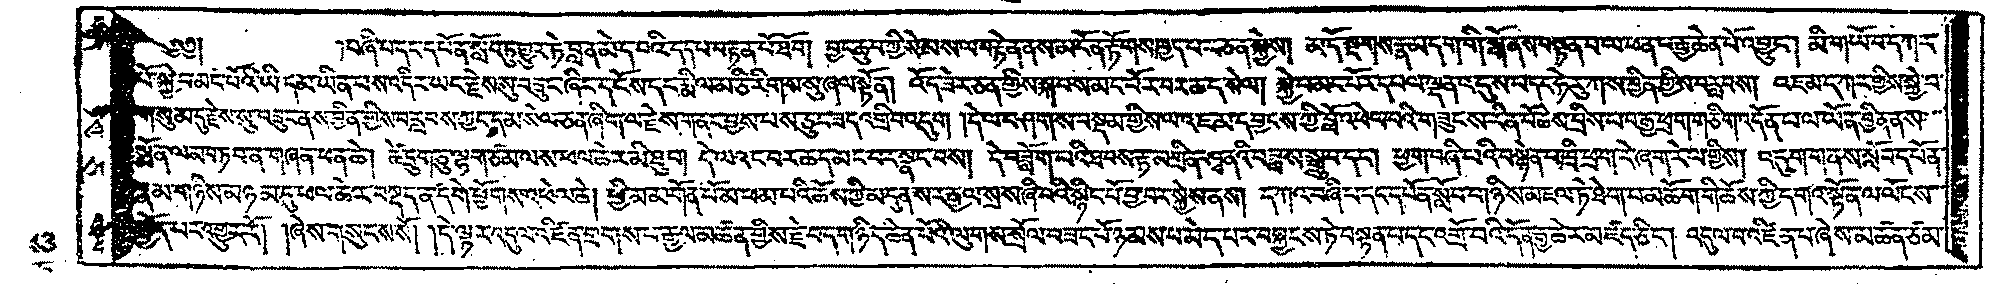༄༅། །བཞི་པ་དང་དཔོན་སློབ་ཏུ་གྱུར་ཏེ་བླ་ན་མེད་པའི་དད་པ་བརྟན་པོ་ཐོབ། བྱང་ཆུབ་ཀྱི་སེམས་ལ་བརྟེན་ནས་མངོན་རྟོགས་ཁྱད་པར་ཅན་སྐྱེས། མདོ་སྔགས་རྣམ་དག་གི་སྒོ་ནས་བསྟན་པ་ལ་ཕན་པ་རྒྱ་ཆེན་པོ་འབྱུང་། མི་གཡོ་བ་དཀར་
པོ་སྐྱེ་བ་མང་པོའི་ཡི་དམ་ཡིན་པས་འདིར་ཡང་རྗེས་སུ་བཟུང་ཞིང་དངོས་དང་རྨི་ལམ་ཅི་རིགས་སུ་ཞལ་སྟོན། འོད་ཟེར་ཅན་གྱིས་སྐབས་མང་པོར་བར་ཆད་སེལ། སྐྱེ་བ་མང་པོར་དཔལ་ལྡན་འདུས་པ་དང་ཧེ་རུ་ཀས་བྱིན་གྱིས་བརླབས། འཇམ་དཀར་གྱིས་སྐྱེ་བ་
གསུམ་དུ་རྗེས་སུ་བཟུང་ནས་བྱིན་གྱིས་བརླབས་ཀྱང་དམ་སེལ་ཅན་ཞིག་ལ་རྗེས་གནང་བྱས་པས་ཅུང་ཟད་འགྲིབ་འདུག །དེ་ལ་བཤགས་བསྡམ་གྱིས་ལ་འཇམ་དབྱངས་ཀྱི་བློ་འཕེལ་བའི་གཟུངས་རིན་པོ་ཆེས་བྲིས་པ་བརྒྱ་ཕྲག་གཅིག་འདོན་པ་ལ་ཡོན་བྱིན་ནས་
སྨོན་ལམ་བཏབ་ན་གཞན་ཕན་ཆེ། ཚེ་དྲུག་ཅུ་ལྷག་ཙམ་ལས་ཕལ་ཆེར་མི་ཐུབ། དེ་ལའང་བར་ཆད་མང་བར་སྣང་བས། དེ་བཟློག་པའི་ཐབས་རྟ་མགྲིན་ཤྭ་ནའི་བཟླས་སྒྲུབ་དང་། ཕྱག་བཞི་པའི་བསྙེན་པ་ཁྲི་ཕྲག་རེ་ཞག་རེ་ལ་གྱིས། འདུག་གནས་སློབ་དཔོན་
རྣམ་གཉིས་མཉམ་དུ་ཕལ་ཆེར་བསྡད་ན་དགེ་ཕྱོགས་འཕེལ་ཆེ། ཕྱི་མ་མགོན་པོ་མ་ཕམ་པའི་ཆོས་ཀྱི་མདུན་སར་རྒྱལ་སྲས་ཞི་བའི་སྙིང་པོ་བྱ་བར་སྐྱེས་ནས། དཀའ་བཞི་པ་དང་དཔོན་སློབ་གཉིས་མཇལ་ཏེ་ཐེག་པ་མཆོག་གི་ཆོས་ཀྱི་དགའ་སྟོན་ལ་ལོངས་
སྤྱོད་པར་འགྱུར་རོ། །ཞེས་གསུངས་སོ། །དེ་ལྟར་འདུལ་འཛིན་གྲགས་པ་རྒྱལ་མཚན་གྱིས་རྗེ་བདག་ཉིད་ཆེན་པོའི་ལུགས་སྲོལ་བཟང་པོ་ཉམས་པ་མེད་པར་བསྐྱངས་ཏེ་བསྟན་པ་དང་འགྲོ་བའི་དོན་རྒྱ་ཆེར་མཛད་ཅིང་། འདུལ་བ་འཛིན་པ་ཞེས་མཚན་ཙམ་